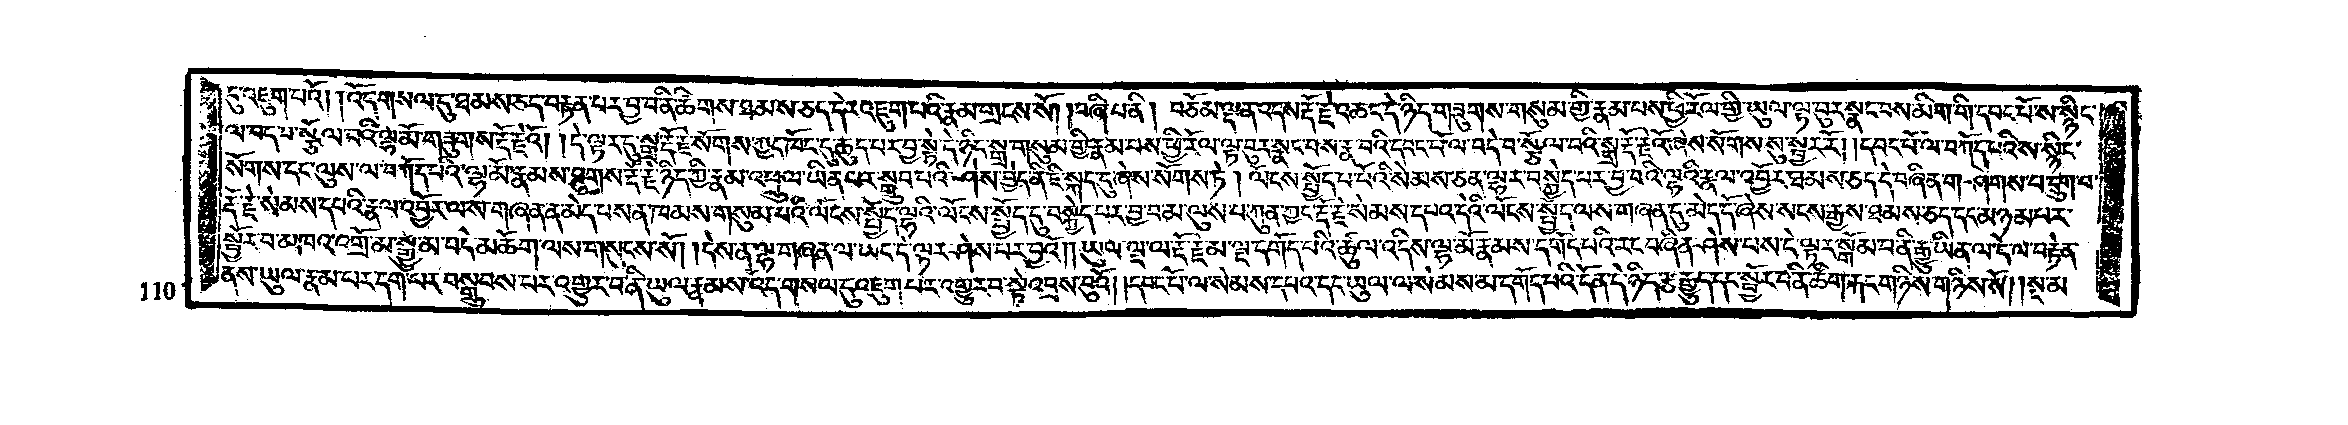དུ་འཇུག་པའོ། །འོད་གསལ་དུ་ཐམས་ཅད་བརྟན་པར་བྱ་བ་ནི་ཚིགས་ཐམས་ཅད་དེར་འཇུག་པའི་རྣམ་གྲངས་སོ། །བཞི་པ་ནི། བཅོམ་ལྡན་འདས་རྡོ་རྗེ་འཆང་དེ་ཉིད་གཟུགས་གསུམ་གྱི་རྣམ་པས་ཕྱི་རོལ་གྱི་ཡུལ་ལྟ་བུར་སྣང་བས་མིག་གི་དབང་པོ་ས་སྙིང་
ལ་བད་པ་སྩོལ་བའི་ལྷ་མོ་གཟུགས་རྡོ་རྗེའོ། །དེ་ལྟར་དུ་སྒྲ་རྡོ་རྗེ་སོགས་ཀྱང་ཁོང་དུ་ཆུད་པར་བྱ་སྟེ་དེ་ཉིད་སྒྲ་གསུམ་གྱི་རྣམ་པས་ཕྱི་རོལ་ལྟ་བུར་སྣང་བས་རྣ་བའི་དབང་པོ་ལ་བདེ་བ་སྩོལ་བའི་སྒྲ་རྡོ་རྗེའོ་ཞེས་སོགས་སུ་སྦྱར་རོ། །དབང་པོ་ལ་བཀོད་པའི་ས་སྙིང་
སོགས་དང་ལུས་ལ་བཀོད་པའི་ལྷ་མོ་རྣམས་ཐུགས་རྡོ་རྗེ་ཉིད་ཀྱི་རྣམ་འཕྲུལ་ཡིན་པར་སྒྲུབ་པའི་ཤེས་བྱེད་ནི་ཇི་སྐད་དུ་ཞེས་སོགས་ཏེ། ལོངས་སྤྱོད་པ་པོའི་སེམས་ཅན་ལྷར་བསྐྱེད་པར་བྱ་བའི་ལྷའི་རྣལ་འབྱོར་ཐམས་ཅད་དེ་བཞིན་གཤེགས་པ་དྲུག་པ་
རྡོ་རྗེ་སེམས་དཔའི་རྣལ་འབྱོར་ལས་གཞན་ན་མེད་པས་ན་ཁམས་གསུམ་པའི་ལོངས་སྤྱོད་ལྷའི་ལོངས་སྤྱོད་དུ་བསྐྱེད་པར་བྱ་བ་མ་ལུས་པ་ཀུན་ཀྱང་རྡོ་རྗེ་སེམས་དཔའ་དེའི་ལོངས་སྤྱོད་ལས་གཞན་དུ་མེད་དོ་ཞེས་སངས་རྒྱས་ཐམས་ཅད་དང་མཉམ་པར་
སྦྱོར་བ་མཁའ་འགྲོ་མ་སྒྱུ་མ་བདེ་མཆོག་ལས་གསུངས་སོ། །དེས་ན་ལྷ་གཞན་ལ་ཡང་དེ་ལྟར་ཤེས་པར་བྱའོ། །ཡུལ་ལྔ་ལ་རྡོ་རྗེ་མ་ལྔ་དགོད་པའི་ཚུལ་འདིས་ལྷ་མོ་རྣམས་དགོད་པའི་རང་བཞིན་ཤེས་པས་དེ་ལྟར་སྒོམ་པ་ནི་རྒྱུ་ཡིན་ལ་དེ་ལ་བརྟེན་
ནས་ཡུལ་རྣམ་པར་དག་པར་བསྒྲུབས་པར་འགྱུར་བ་ནི་ཡུལ་རྣམས་འོད་གསལ་དུ་འཇུག་པར་འགྱུར་བ་སྟེ་འབྲས་བུའོ། །དབང་པོ་ལ་སེམས་དཔའ་དང་ཡུལ་ལ་སེམས་མ་དགོད་པའི་དོན་དེ་ཉིད་རྩ་རྒྱུད་དང་སྦྱོར་བ་ནི་ཚིག་རྐང་གཉིས་གཉིས་སོ། །སྔ་མ་